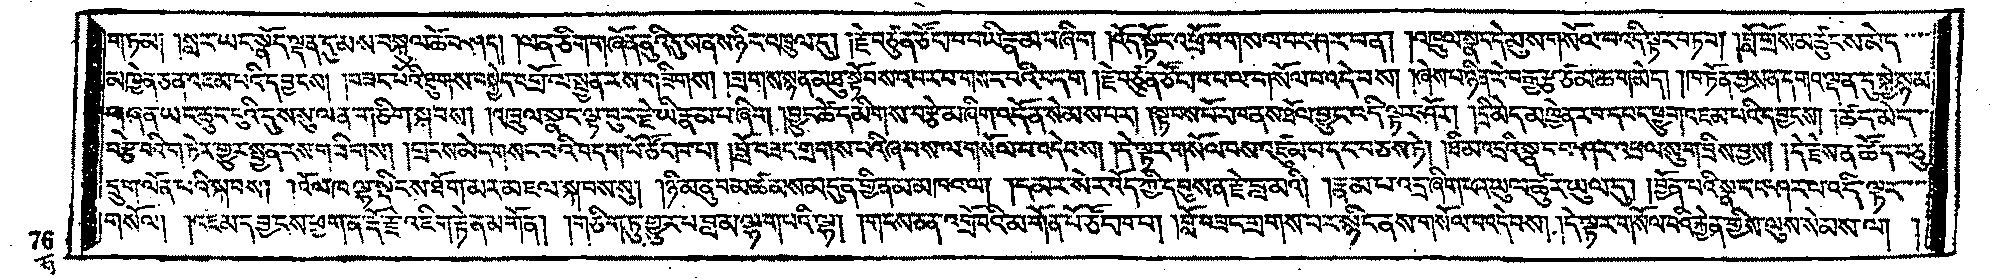གཏམ། །སླར་ཡང་སྣོད་ལྡན་དུ་མས་བསྐུལ་ཚེ་བཤད། །ལན་ཅིག་གཞོན་ནུའི་དུས་ནས་ཉིང་འཁྲུལ་དུ། །རྗེ་བཙུན་ཙོང་ཁ་པ་ཡི་རྣམ་པ་ཞིག །འོད་སྟོང་འཕྲོ་བ་གསལ་བར་ཤར་བ་ན། །འཁྲུལ་སྣང་དེ་མུས་གསོལ་བ་འདི་ལྟར་བཏབ། །བློ་གྲོས་མཚུངས་མེད་
མཁྱེན་ཅན་འཇམ་པའི་དབྱངས། །བཟང་པོའི་ཐུགས་བསྐྱེད་འགྲོ་ལ་སྤྱན་རས་གཟིགས། །གྲགས་སྙན་མཐུ་སྟོབས་འབར་བ་གསང་བའི་བདག །རྗེ་བཙུན་ཙོང་ཁ་པ་ལ་གསོལ་བ་འདེབས། །ཞེས་པ་ཉིན་རེ་བརྒྱ་རྩ་ཙམ་ཆག་མེད། །ཁ་ཏོན་བྱས་ན་དགའ་ལྡན་དུ་སྐྱེ་སྙམ་
གཞན་ཡང་ཆུང་ངུའི་དུས་སུ་ལན་གཅིག་སྐབས། །འཁྲུལ་སྣང་ལྟ་བུར་རྗེ་ཡི་རྣམ་པ་ཞིག །བྱུང་ཚེ་དམིགས་བརྩེ་མ་ཞིག་འདོན་སེམས་པར། །སྟབས་པོར་ཁ་ནས་ཐོལ་བྱུང་འདི་ལྟར་ཤོར། །དྲི་མེད་མཁྱེན་རབ་དབང་ཕྱུག་འཇམ་པའི་དབྱངས། །ཚད་མེད་
བརྩེ་བའི་གཏེར་གྱུར་སྤྱན་རས་གཟིགས། །གྲངས་མེད་གསང་བའི་བདག་པོ་ཙོང་ཁ་པ། །བློ་བཟང་གྲགས་པའི་ཞབས་ལ་གསོལ་བ་འདེབས། །དེ་ལྟར་གསོལ་བས་འཛུམ་པ་དང་བཅས་ཏེ། །ཐིམ་འདྲའི་སྣང་བ་ཤར་འཕྲལ་སུག་བྲིས་བྱས། །དེ་རྗེས་ན་ཚོད་བཅུ་
དྲུག་ལོན་པའི་སྐབས། །འོལ་ཁ་ལྷ་སྡིངས་ཐོག་མར་མཇལ་སྐབས་སུ། །ཉི་མ་ནུབ་མཚམས་མདུན་གྱི་ནམ་མཁའ་ལ། །དམར་སེར་འོད་ཀྱི་དབུས་ན་རྗེ་བླ་མའི། །རྣམ་པ་འདྲ་ཞིག་ཕར་ཡུལ་ཚུར་ཡུལ་དུ། །བྱོན་པའི་སྣང་བ་ཤར་ལ་འདི་ལྟར་
གསོལ། །འཇམ་དབྱངས་ཕྱག་ན་རྡོ་རྗེ་འཇིག་རྟེན་མགོན། །གཅིག་ཏུ་གྱུར་པ་བླ་མ་ལྷག་པའི་ལྷ། །གངས་ཅན་འགྲོ་བའི་མགོན་པོ་ཙོང་ཁ་པ། །བློ་བཟང་གྲགས་པར་སྙིང་ནས་གསོལ་བ་འདེབས། །དེ་ལྟར་གསོལ་བའི་རྐྱེན་གྱིས་ལུས་སེམས་ལ། །